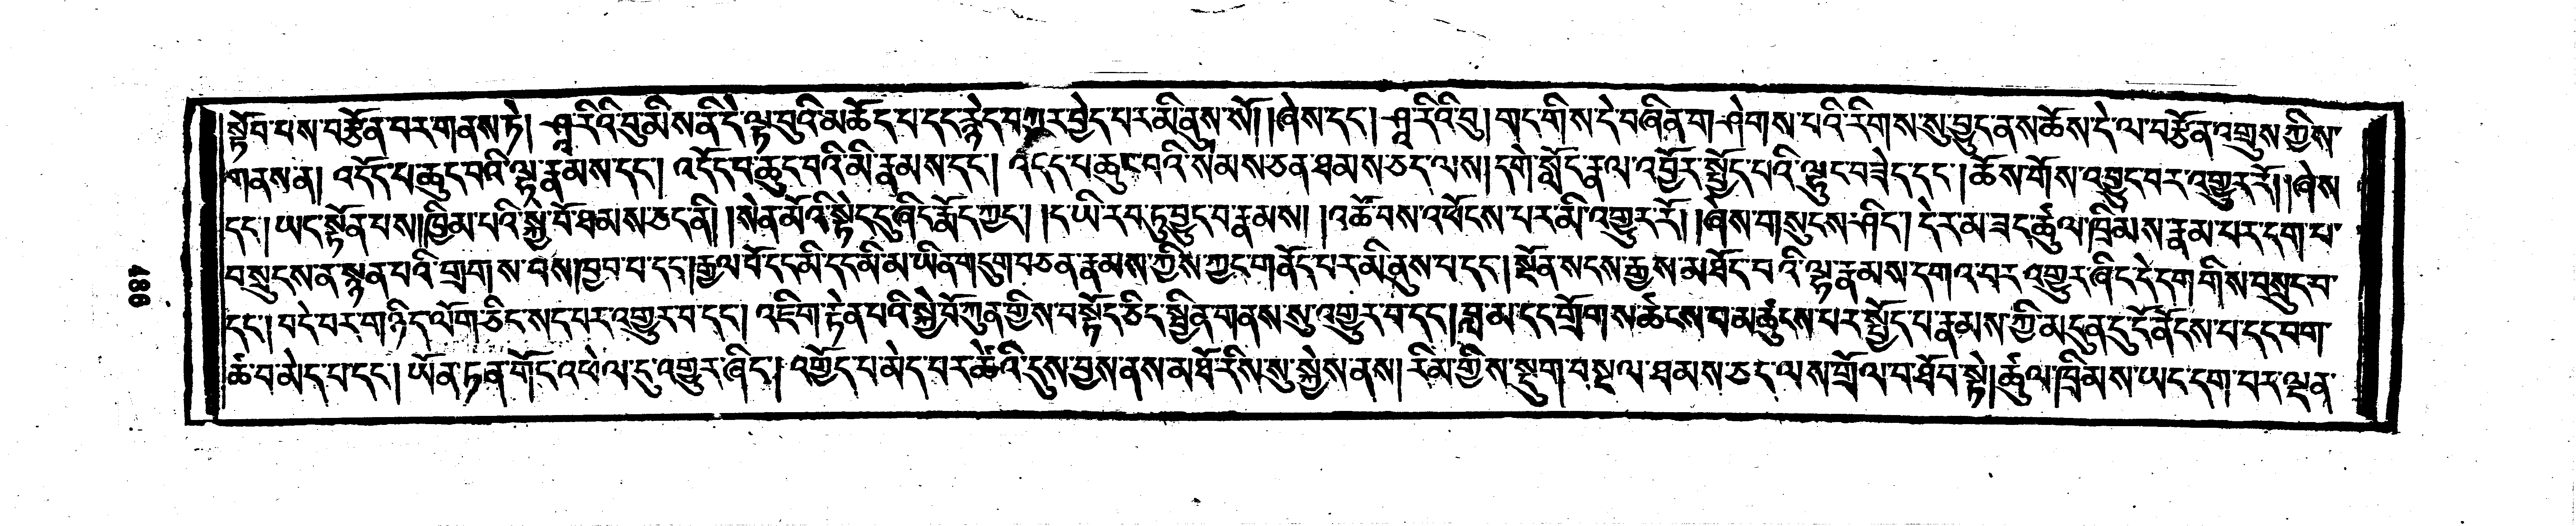སྟོབ་པས་བརྩོན་པར་གནས་ཏེ། ཤཱ་རིའི་བུ་མིས་ནི་དེ་ལྟ་བུའི་མཆོད་པ་དང་རྙེད་བཀུར་བྱེད་པར་མི་ནུས་སོ། །ཞེས་དང་། ཤཱ་རིའི་བུ། གང་གིས་དེ་བཞིན་གཤེགས་པའི་རིགས་སུ་བྱུང་ནས་ཆོས་དེ་ལ་བརྩོན་འགྲུས་ཀྱིས་
གནས་ན། འདོད་པ་ཆུང་བའི་ལྷ་རྣམས་དང་། འདོད་པ་ཆུང་བའི་མི་རྣམས་དང་། འདོད་པ་ཆུང་བའི་སེམས་ཅན་ཐམས་ཅད་ལས། དགེ་སློང་རྣལ་འབྱོར་སྤྱོད་པའི་ལྷུང་བཟེད་དང་། ཆོས་གོས་འབྱུང་བར་འགྱུར་རོ། །ཞེས་
དང་། ཡང་སྟོན་པས། ཁྱིམ་པའི་སྐྱེ་བོ་ཐམས་ཅད་ནི། །སེན་མོའི་སྟེང་དུ་ཞིང་རྨོད་ཀྱང་། །ང་ཡི་རབ་ཏུ་བྱུང་བ་རྣམས། །འཚོ་བས་འཕོངས་པར་མི་འགྱུར་རོ། །ཞེས་གསུངས་ཤིང་། དེར་མ་ཟད་ཚུལ་ཁྲིམས་རྣམ་པར་དག་པ་
བསྲུངས་ན་སྙན་པའི་གྲགས་པས་ཁྱབ་པ་དང་། རྒྱལ་པོ་དང་མི་དང་མི་མ་ཡིན་གདུག་པ་ཅན་རྣམས་ཀྱིས་ཀྱང་གནོད་པར་མི་ནུས་པ་དང་། སྔོན་སངས་རྒྱས་མཐོང་བའི་ལྷ་རྣམས་དགའ་བར་འགྱུར་ཞིང་དེ་དག་གིས་བསྲུང་བ་
དང་། བདེ་བར་གཉིད་ལོག་ཅིང་སད་པར་འགྱུར་བ་དང་། འཇིག་རྟེན་པའི་སྐྱེ་བོ་ཀུན་གྱིས་བསྟོད་ཅིང་སྦྱིན་གནས་སུ་འགྱུར་བ་དང་། བླ་མ་དང་གྲོགས་ཚངས་པ་མཚུངས་པར་སྤྱོད་པ་རྣམས་ཀྱི་མདུན་དུ་ངོ་ནོངས་པ་དང་བག་
ཚ་བ་མེད་པ་དང་། ཡོན་ཏན་གོང་འཕེལ་དུ་འགྱུར་ཞིང་། འགྱོད་པ་མེད་པར་ཚེའི་དུས་བྱས་ནས་མཐོ་རིས་སུ་སྐྱེས་ནས། རིམ་གྱིས་སྡུག་བསྔལ་ཐམས་ཅད་ལས་གྲོལ་བ་ཐོབ་སྟེ། ཚུལ་ཁྲིམས་ཡང་དག་པར་ལྡན་